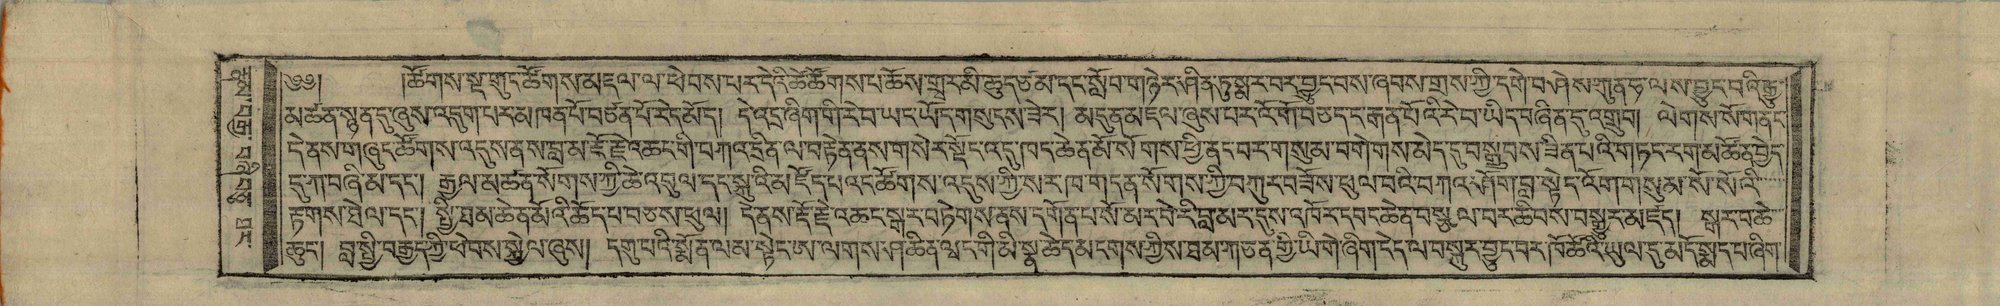༄༅། །ཚོགས་སྔ་གུང་ཚོགས་མཇལ་ལ་ཕེབས་པར་དེའི་ཚེ་ཚོགས་པ་ཆོས་གྲྭར་མི་ཆུད་ཙམ་དང་སློབ་གཉེར་ཤིན་ཏུ་སྨར་བར་བྱུང་བས་ཞབས་གྲས་ཀྱི་དགེ་བཤེས་ཀུན་ཧ་ལས་བྱུང་བའི་རྒྱུ་
མཚན་སྙན་དུ་ཞུས་འདུག་པར་མཁན་པོ་བཙན་པོ་རེད་མོད། དེ་འདྲ་ཞིག་གི་རེ་བ་ཡང་ཡོད་གསུངས་ཟེར། མདུན་མཇལ་ཞུས་པར་འོ་གོ་བཅད་ང་རྒན་པོའི་རེ་བ་ཡིད་བཞིན་དུ་འགྲུབ། ལེགས་སོ་གནང་
དེ་ནས་གཞུང་ཚོགས་འདུས་ནས་བླ་མ་རྡོ་རྗེ་འཆང་གི་བཀའ་དྲིན་ལ་བརྟེན་ནས་གསེར་སྡོང་འདུ་ཁང་ཆེན་མོ་སོགས་ཕྱི་ནང་བར་གསུམ་བགེགས་མེད་དུ་བསྒྲུབས་ཟིན་པའི་གཏང་རག་མཚོན་བྱེད་
དུ་ཀ་བཞི་མ་དང་། རྒྱལ་མཚན་སོགས་ཀྱི་ཆེ་འབུལ་དང་སྐུའི་མཛོད་པའང་ཚོགས་འདུས་ཀྱི་སར་ཁ་གདན་སོགས་ཀྱི་བཀུར་བཟོས་ཕུལ་བའི་བཀའ་ཤོག་བླ་སྟེང་འོག་གསུམ་སོ་སོའི་
རྟགས་ཐེལ་དང་། སྤྱི་ཐམ་ཆེན་མོའི་ཆོད་པ་བཅས་ཕུལ། དེ་ནས་རྡོ་རྗེ་འཆང་སྒར་བཏེགས་ནས་དགོན་པ་སོ་མར་བེ་རི་བླ་མར་དུས་འཁོར་དབང་ཆེན་བསྩལ་བར་ཆིབས་བསྒྱུར་མཛད། སྒར་བ་ཆེ་
ཆུང༑ བླ་སྤྱི་བརྒྱད་ཀྱི་ཕེབས་སྐྱེལ་ཞུས། དགུ་པའི་སྨོན་ལམ་སྟེང་ཨ་ལགས་ཤ་ཆིན་ཝང་གི་མི་སྣ་ཆེད་མངགས་ཀྱིས་ཐམ་ཀ་ཅན་གྱི་ཡི་གེ་ཞིག་ངེད་ལ་བསྐུར་བྱུང་བར་ཁོ་ཚོའི་ཡུལ་དུ་མདོ་སྨད་པ་ཞིག་